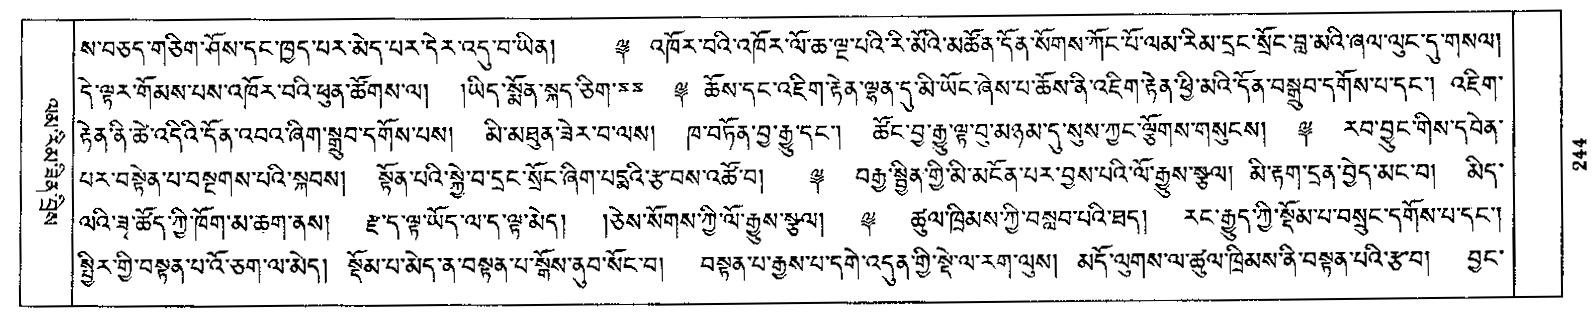ས་བཅད་གཅིག་ཤོས་དང་ཁྱད་པར་མེད་པར་དེར་འདུ་བ་ཡིན། ༈ འཁོར་བའི་འཁོར་ལོ་ཆ་ལྔ་པའི་རི་མོའི་མཚོན་དོན་སོགས་ཀོང་པོ་ལམ་རིམ་དྲང་སྲོང་བླ་མའི་ཞལ་ལུང་དུ་གསལ།
དེ་ལྟར་གོམས་པས་འཁོར་བའི་ཕུན་ཚོགས་ལ། །ཡིད་སྨོན་སྐད་ཅིག་྾྾་༈ ཆོས་དང་འཇིག་རྟེན་ལྷན་དུ་མི་ཡོང་ཞེས་པ་ཆོས་ནི་འཇིག་རྟེན་ཕྱི་མའི་དོན་བསྒྲུབ་དགོས་པ་དང་། འཇིག་
རྟེན་ནི་ཚེ་འདིའི་དོན་འབའ་ཞིག་སྒྲུབ་དགོས་པས། མི་མཐུན་ཟེར་བ་ལས། ཁ་བཏོན་བྱ་རྒྱུ་དང་། ཚོང་བྱ་རྒྱུ་ལྟ་བུ་མཉམ་དུ་སུས་ཀྱང་ལྕོགས་གསུངས། ༈ རབ་བྱུང་གིས་དབེན་
པར་བསྟེན་པ་བསྔགས་པའི་སྐབས། སྟོན་པའི་སྐྱེ་བ་དྲང་སྲོང་ཞིག་པདམའི་རྩ་བས་འཚོ་བ། ༈ བརྒྱ་སྦྱིན་གྱི་མི་མངོན་པར་བྱས་པའི་ལོ་རྒྱུས་སྩལ། མི་རྟག་དྲན་བྱེད་མང་བ། མིད་
ལའི་ཟྭ་ཚོད་ཀྱི་ཁོག་མ་ཆག་ནས། རྫ་ད་ལྟ་ཡོད་ལ་ད་ལྟ་མེད། །ཅེས་སོགས་ཀྱི་ལོ་རྒྱུས་སྩལ། ༈ ཚུལ་ཁྲིམས་ཀྱི་བསླབ་པའི་ཐད། རང་རྒྱུད་ཀྱི་སྡོམ་པ་བསྲུང་དགོས་པ་དང་།
སྤྱིར་གྱི་བསྟན་པ་འོ་ཅག་ལ་མེད། སྡོམ་པ་མེད་ན་བསྟན་པ་སྒོས་ནུབ་སོང་བ། བསྟན་པ་རྒྱས་པ་དགེ་འདུན་གྱི་སྡེ་ལ་རག་ལུས། མདོ་ལུགས་ལ་ཚུལ་ཁྲིམས་ནི་བསྟན་པའི་རྩ་བ། བྱང་